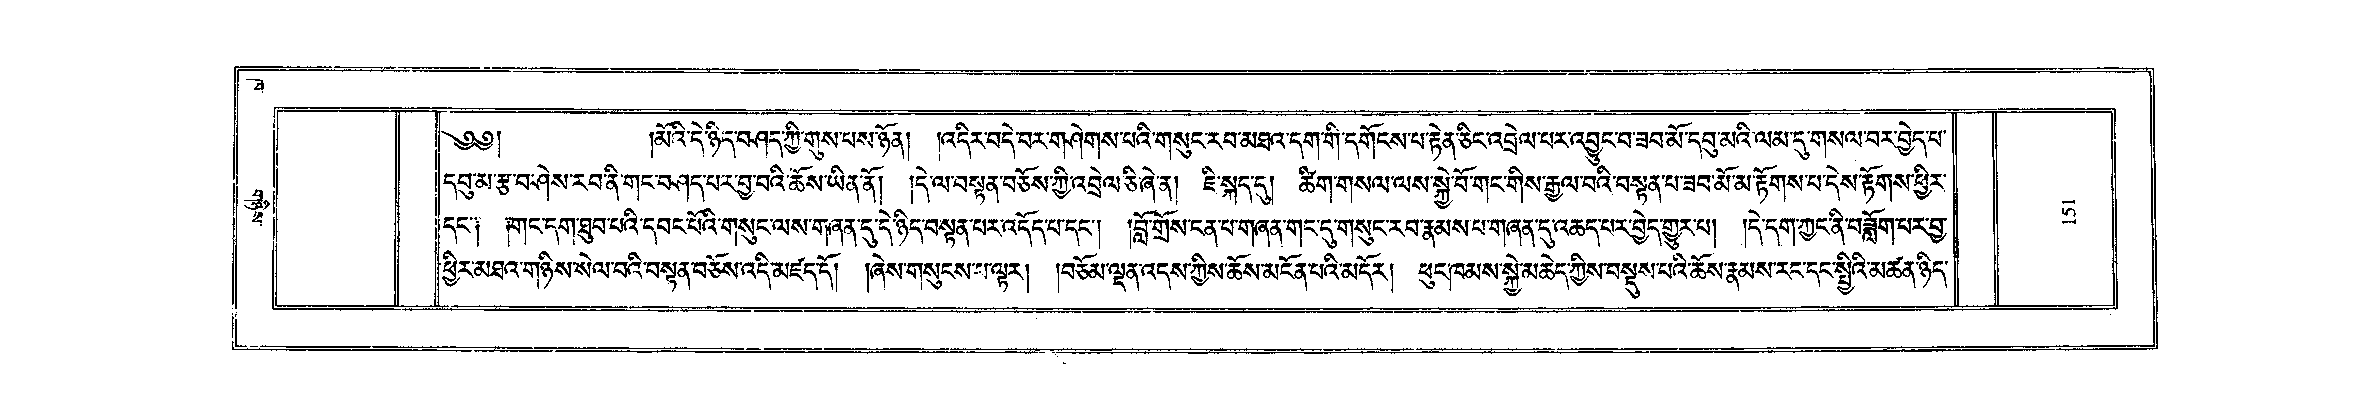༄༅། །མོའི་དེ་ཉིད་བཤད་ཀྱི་གུས་པས་ཉོན། །འདིར་བདེ་བར་གཤེགས་པའི་གསུང་རབ་མཐའ་དག་གི་དགོངས་པ་རྟེན་ཅིང་འབྲེལ་པར་འབྱུང་བ་ཟབ་མོ་དབུ་མའི་ལམ་དུ་གསལ་བར་བྱེད་པ་
དབུ་མ་རྩ་བ་ཤེས་རབ་ནི་གང་བཤད་པར་བྱ་བའི་ཆོས་ཡིན་ནོ། །དེ་ལ་བསྟན་བཅོས་ཀྱི་འབྲེལ་ཅི་ཞེ་ན། ཇི་སྐད་དུ། ཚིག་གསལ་ལས་སྐྱེ་བོ་གང་གིས་རྒྱལ་བའི་བསྟན་པ་ཟབ་མོ་མ་རྟོགས་པ་དེས་རྟོགས་ཕྱིར་
དང༑ ༑གང་དག་ཐུབ་པའི་དབང་པོའི་གསུང་ལས་གཞན་དུ་དེ་ཉིད་བསྟན་པར་འདོད་པ་དང་། །བློ་གྲོས་ངན་པ་གཞན་གང་དུ་གསུངས་རབ་རྣམས་པ་གཞན་དུ་འཆད་པར་བྱེད་གྱུར་པ། །དེ་དག་ཀྱང་ནི་བཟློག་པར་བྱ་
ཕྱིར་མཐའ་གཉིས་སེལ་བའི་བསྟན་བཅོས་འདི་མཛད་དོ། །ཞེས་གསུངས་པ་ལྟར། །བཅོམ་ལྡན་འདས་ཀྱིས་ཆོས་མངོན་པའི་མདོར། ཕུང་ཁམས་སྐྱེ་མཆེད་ཀྱིས་བསྡུས་པའི་ཆོས་རྣམས་རང་དང་སྤྱིའི་མཚན་ཉིད་